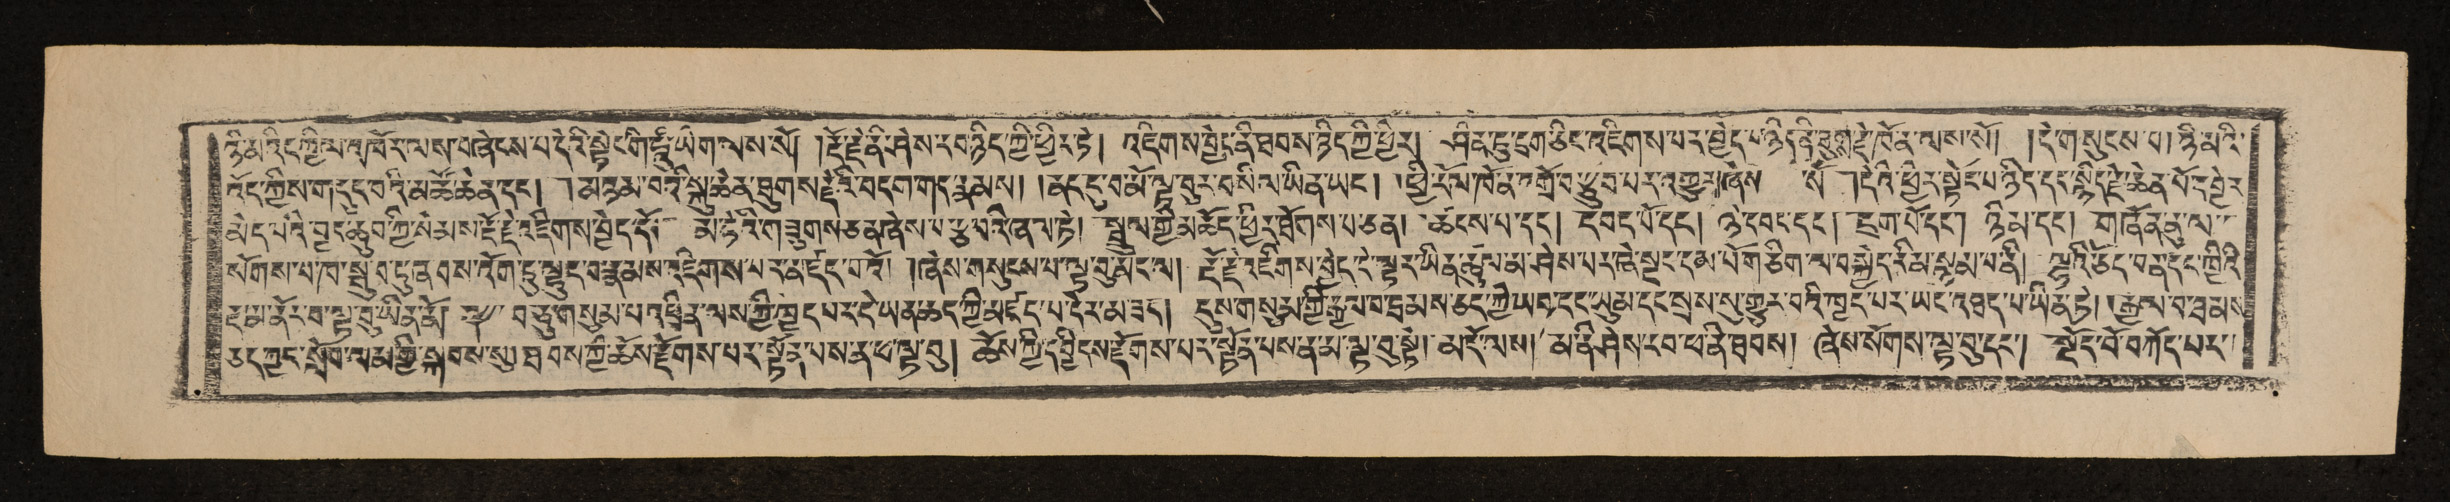ཉི་མའི་དཀྱིལ་འཁོར་ལས་བཞེངས་པ་དེའི་སྟེང་གི་ཧཱུཾ་ཡིག་ལས་སོ། །རྡོ་རྗེ་ནི་ཤེས་རབ་ཉིད་ཀྱི་ཕྱིར་ཏེ། འཇིགས་བྱེད་ནི་ཐབས་ཉིད་ཀྱི་ཕྱིར། ཤིན་ཏུ་དྲག་ཅིང་འཇིགས་པར་བྱེད་པ་ཉིད་ནི་ཐུགས་རྗེ་ཁོ་ན་ལས་སོ། །དེ་གསུངས་པ། ཉི་མའི་
འོད་ཀྱིས་གདུང་བའི་མཚོ་ཆེན་དང་། །མཉམ་པའི་སྐུ་ཆེན་ཐུགས་རྗེའི་བདག་གང་རྣམས། །ནང་དུ་བ་མོ་ལྟ་བུར་བསིལ་ཡིན་ཡང་། །ཕྱི་རོལ་ཁོ་ན་འགྲོ་བ་རྩུབ་པར་འགྱུར། །ཞེས་སོ། །དེའི་ཕྱིར་སྟོང་པ་ཉིད་དང་སྙིང་རྗེ་ཆེན་པོ་དབྱེར་
མེད་པའི་བྱང་ཆུབ་ཀྱི་སེམས་རྡོ་རྗེ་འཇིགས་བྱེད་དོ། །མ་ཧེའི་གཟུགས་ཅན་ཞེས་པ་རྩ་བའི་ཞལ་ཏེ། སྤྲུལ་གྱི་མཆོད་ཕྱིར་ཐོགས་པ་ཅན། ཚངས་པ་དང་། དབང་པོ་དང་། ཉེ་དབང་དང་། དྲག་པོ་དང་། ཉི་མ་དང་། གཞོན་ནུ་ལ་
སོགས་པ་ཁ་སྤུབ་ཏུ་ཞབས་འོག་ཏུ་ལྷུང་པ་རྣམས་འཇིགས་པར་མཛད་པའོ། །ཞེས་གསུངས་པ་ལྟ་བུ་མང་ལ། རྡོ་རྗེ་འཇིགས་བྱེད་དེ་ལྟར་ཡིན་ཚུལ་མ་ཤེས་པར་ཞེ་སྡང་དམ་པོ་གཅིག་ལ་བསྐྱེད་རིམ་སྙམ་པ་ནི། ལྷའི་ཅོད་པན་དང་ཁྱིའི་
རྔམ་ནོར་བ་ལྟ་བུ་ཡིན་ནོ། ༈ །བཅུ་གསུམ་པ་འཕྲིན་ལས་ཀྱི་ཁྱད་པར་དེ་ཡན་ཆད་ཀྱི་མཛད་པ་དེར་མ་ཟད། དུས་གསུམ་གྱི་རྒྱལ་བ་ཐམས་ཅད་ཀྱི་ཡབ་དང་ཡུམ་དང་སྲས་སུ་གྱུར་པའི་ཁྱད་པར་ཡང་འཐད་པ་ཡིན་ཏེ། རྒྱལ་བ་ཐམས་
ཅད་ཀྱང་སློབ་ལམ་གྱི་སྐབས་སུ། ཐབས་ཀྱི་ཆོས་རྫོགས་པར་སྟོན་པས་ན་ཕ་ལྟ་བུ། ཆོས་ཀྱི་དབྱིངས་རྫོགས་པར་སྟོན་པས་ན་མ་ལྟ་བུ་སྟེ། མདོ་ལས། མ་ནི་ཤེས་རབ་ཕ་ནི་ཐབས། ཞེས་སོགས་ལྟ་བུ་དང་། སྡོང་པོ་བཀོད་པར་